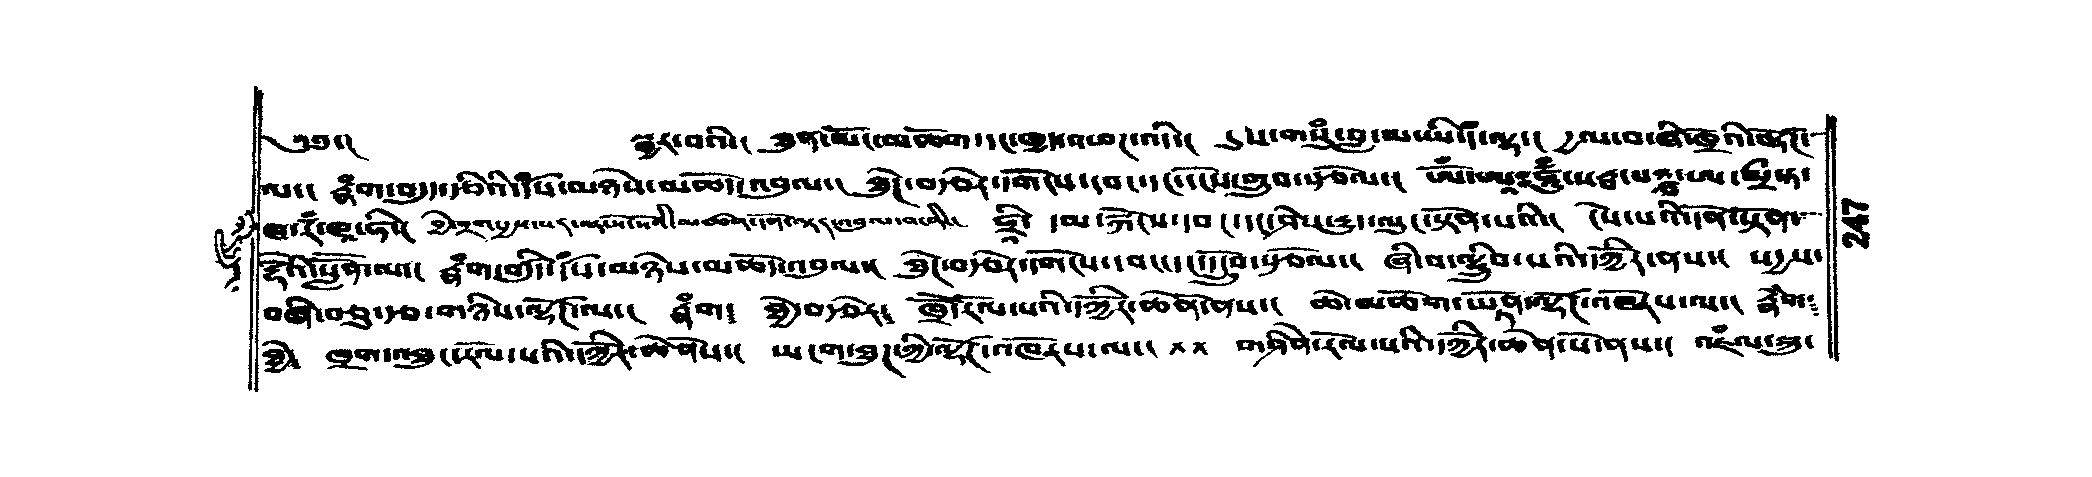སྦྱར་བའི།།ཐུན་མོང་མཆོག་དང་ཁྱད་འཕགས་འདི། །དུས་གསུམ་བླ་མ་ཡ་དམ་ལྷ། །རྒྱལ་བ་ཞི་ཁྲོའི་ལྷ་ཚོགས་
ལ། ། རྣམ་དག་བདུད་རྩིའི་དམ་རྫས་མཉེས་མཆོད་པ་འབུལ། །ཐུགས་རྗེ་བརྩེར་དགོངས་དངོས་གྲུབ་སྩོལ། །ཨོཾ་ཨཱ་ཧཱུྃ་སརྦ་པཉྩ་ཨ་མྲྀ་ཏ་
ཁ་རྃ་ཁཱ་ཧི། བྱེ་བྲག་རྒྱས་པར་ལྷ་སོ་སོའི་མཚན་དོན་ལྟར་འབུལ་བ་ནི། ཧྲཱི། དམ་སྐོངས་དབང་དང་ཤེས་རྒྱུད་ལུང་སྟོན་པའི། །ངེས་པའི་དོན་སྟོན་
རྡོ་རྗེའི་སློབ་དཔོན་ལ། །རྣམ་དག་བདུད་རྩི་དམ་རྫས་མཉེས་མཆོད་འབུལ། །ཐུགས་རྗེ་བརྩེར་དགོངས་དབང་དང་དངོས་གྲུབ་སྩོལ། །ཞི་བ་ལྷུན་གྱིས་གྲུབ་པའི་དཀྱིལ་འཁོར་ནས། །སངས་རྒྱས་
བཞི་བཅུ་རྩ་གཉིས་ལྷ་ཚོགས་ལ། །རྣམ་དག་༴ ཐུགས་རྗེ་བརྩེར་༴ ཁྲོ་བོ་རོལ་པའི་དཀྱིལ་འཁོར་ཆེན་པོ་ནས། །ཆེ་མཆོག་ཡོན་ཏན་ལྷ་ཚོགས་འཁོར་བཅས་ལ། །རྣམ་དག་༴ 
ཐུགས་རྗེ་༴ ཁྲག་འཐུང་རོལ་པའི་དཀྱིལ་འཁོར་ཆེན་པོ་ནས། །ཡང་དག་ཐུགས་ཀྱི་ལྷ་ཚོགས་འཁོར་བཅས་ལ། ། ༴ ༴ གཤིན་རྗེ་རོལ་པའི་དཀྱིལ་འཁོར་ཆེན་པོ་ནས། །འཇམ་དཔལ་སྐུ་